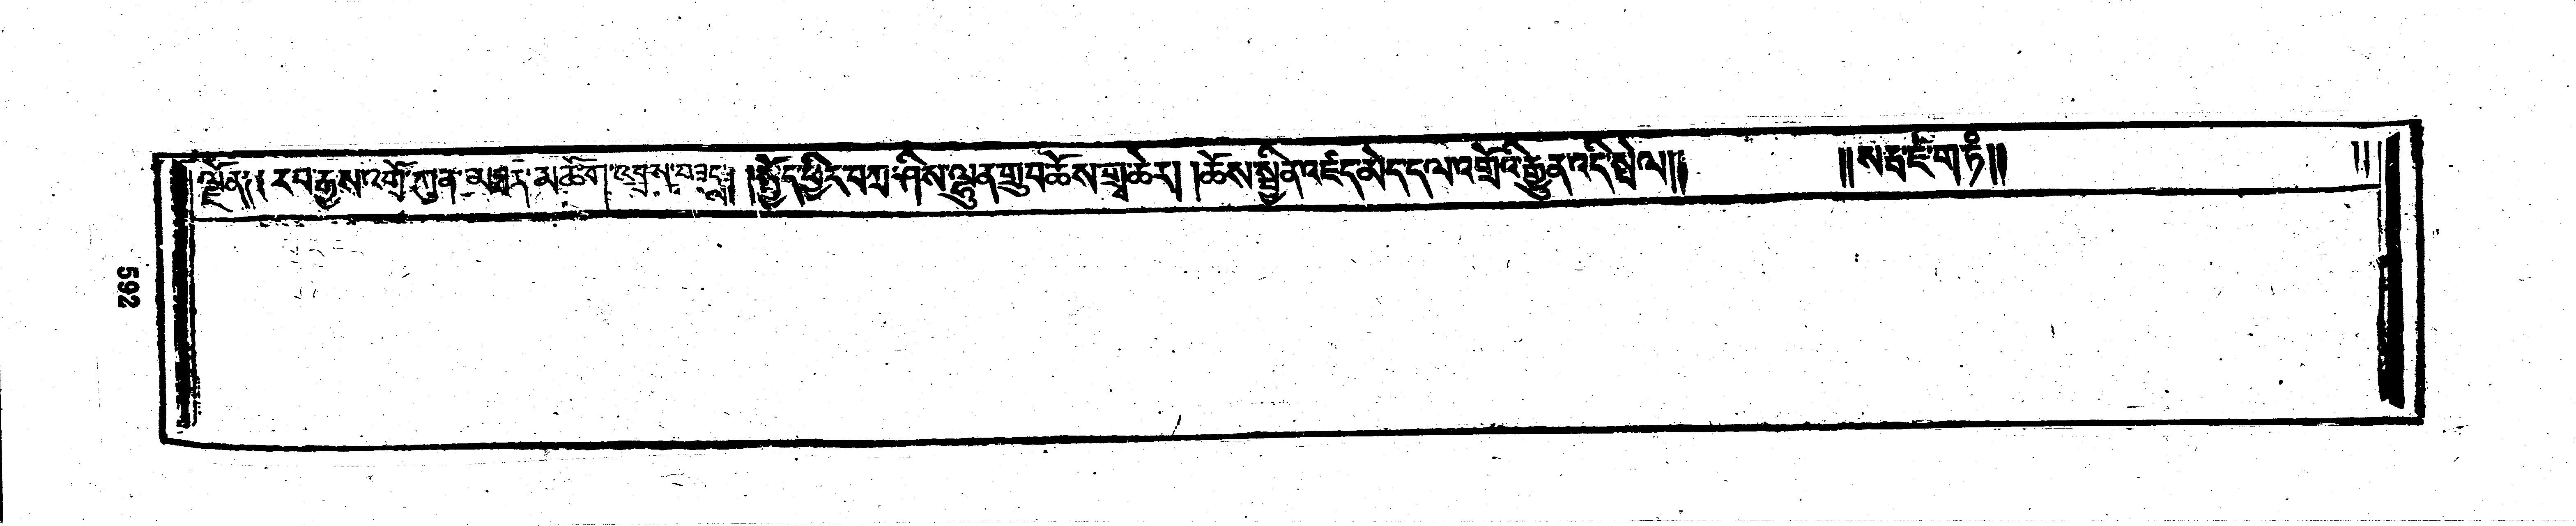ལྗོན། །རབ་རྒྱས་འགྲོ་ཀུན་ཐར་མཆོག་འབྲས་བཟང་ལ། །སྤྱོད་ཕྱིར་བཀྲ་ཤིས་ལྷུན་གྲུབ་ཆོས་གྲྭ་ཆེར། །ཆོས་སྦྱིན་འཛད་མེད་དལ་འགྲོའི་རྒྱུན་འདི་སྤེལ།། །།སརྦ་ཛ་ག་ཏཾ།། །།